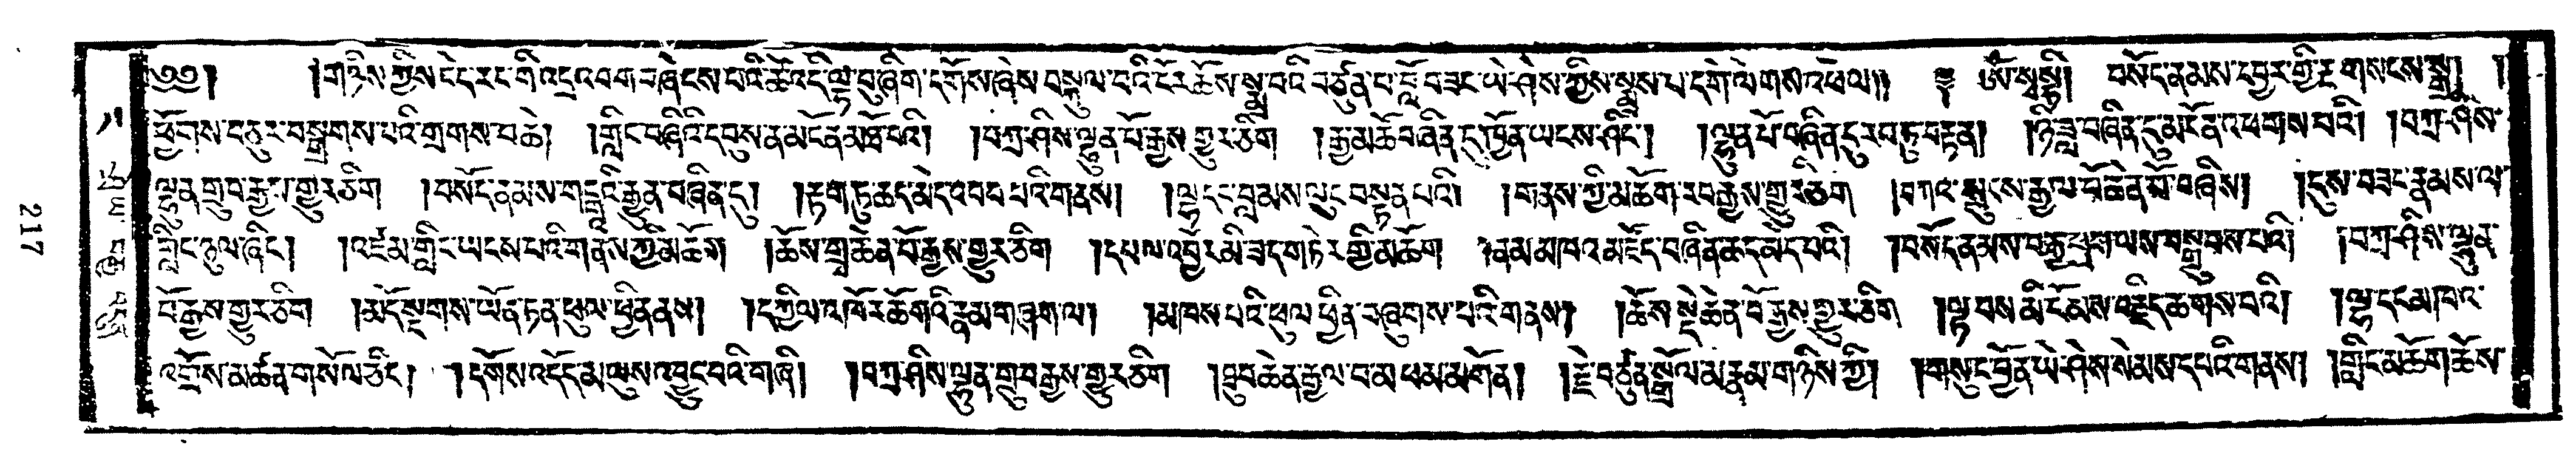༄༅། །གཉིས་ཀྱིས་ངེད་རང་གི་འདྲའ་བ་ག་བཞེངས་པའི་ཚེ་འདི་ལྟ་བུ་ཞིག་དགོས་ཞེས་བསྐུལ་བའི་ངོར་ཆོས་སྨྲ་བའི་བཙུན་པ་བློ་བཟང་ཡེ་ཤེས་ཀྱིས་སྨྲས་པ་དགེ་ལེགས་འཕེལ།། ༈ ཨོཾ་སྭསྟི། བསོད་ནམས་དབྱར་གྱི་རྔག་སངས་སྒྲ། །
ཕྱོགས་བཅུར་བསྒྲགས་པའི་གྲགས་པ་ཆེ། །གླིང་བཞིའི་དབུས་ན་མངོན་མཐོ་བའི། །བཀྲ་ཤིས་ལྷུན་པོ་རྒྱས་གྱུར་ཅིག །རྒྱ་མཚོ་བཞིན་དུ་ཁྱོན་ཡངས་ཤིང་། །ལྷུན་པོ་བཞིན་དུ་རབ་ཏུ་བརྟན། །ཉི་ཟླ་བཞིན་དུ་མངོན་འཕགས་པའི། །བཀྲ་ཤིས་
ལྷུན་གྲུབ་རྒྱས་གྱུར་ཅིག །བསོད་ནམས་གངྒཱའི་རྒྱུན་བཞིན་དུ། །རྟག་ཏུ་ཆད་མེད་འབབ་པའི་གནས། །ལྷ་དང་བླ་མས་ལུང་བསྟན་པའི། །གནས་ཀྱི་མཆོག་རབ་རྒྱས་གྱུར་ཅིག །བཀའ་སྲུང་རྒྱལ་པོ་ཆེན་པོ་བཞིས། །དུས་བཟང་རྣམས་ལ་
གླིང་ཉུལ་ཞིང་། །འཛམ་གླིང་ཡངས་པའི་གནས་ཀྱི་མཆོག །ཆོས་གྲྭ་ཆེན་པོ་རྒྱས་གྱུར་ཅིག །དཔལ་འབྱོར་མི་ཟད་གཏེར་གྱི་མཆོག །ནམ་མཁའ་མཛོད་བཞིན་ཆད་མེད་པའི། །བསོད་ནམས་བརྒྱ་ཕྲག་ལས་བསྒྲུབས་པའི། །བཀྲ་ཤིས་ལྷུན་
བོ་རྒྱས་གྱུར་ཅིག །མདོ་སྔགས་ཡོན་ཏན་ཕུལ་ཕྱིན་ནས། །དཀྱིལ་འཁོར་ཆོ་གའི་རྣམ་གཞག་ལ། །མཁས་པའི་ཕུལ་ཕྱིན་བཞུགས་པའི་གནས། །ཆོས་སྡེ་ཆེན་པོ་རྒྱས་གྱུར་ཅིག །ལྟབས་མི་ངོམས་བརྗིད་ཆགས་བའི། །ལྷ་དང་མཁའ་
འགྲོས་མཚན་གསོལ་ཅིང་། །དགོས་འདོད་མ་ལུས་འབྱུང་བའི་གཞི། །བཀྲ་ཤིས་ལྷུན་གྲུབ་རྒྱས་གྱུར་ཅིག །ཐུབ་ཆེན་རྒྱལ་བ་མ་ཕམ་མགོན། །རྗེ་བཙུན་སྒྲོལ་མ་རྣམ་གཉིས་ཀྱི། །གསུང་བྱོན་ཡེ་ཤེས་སེམས་དཔའི་གནས། །གླིང་མཆོག་ཆོས་